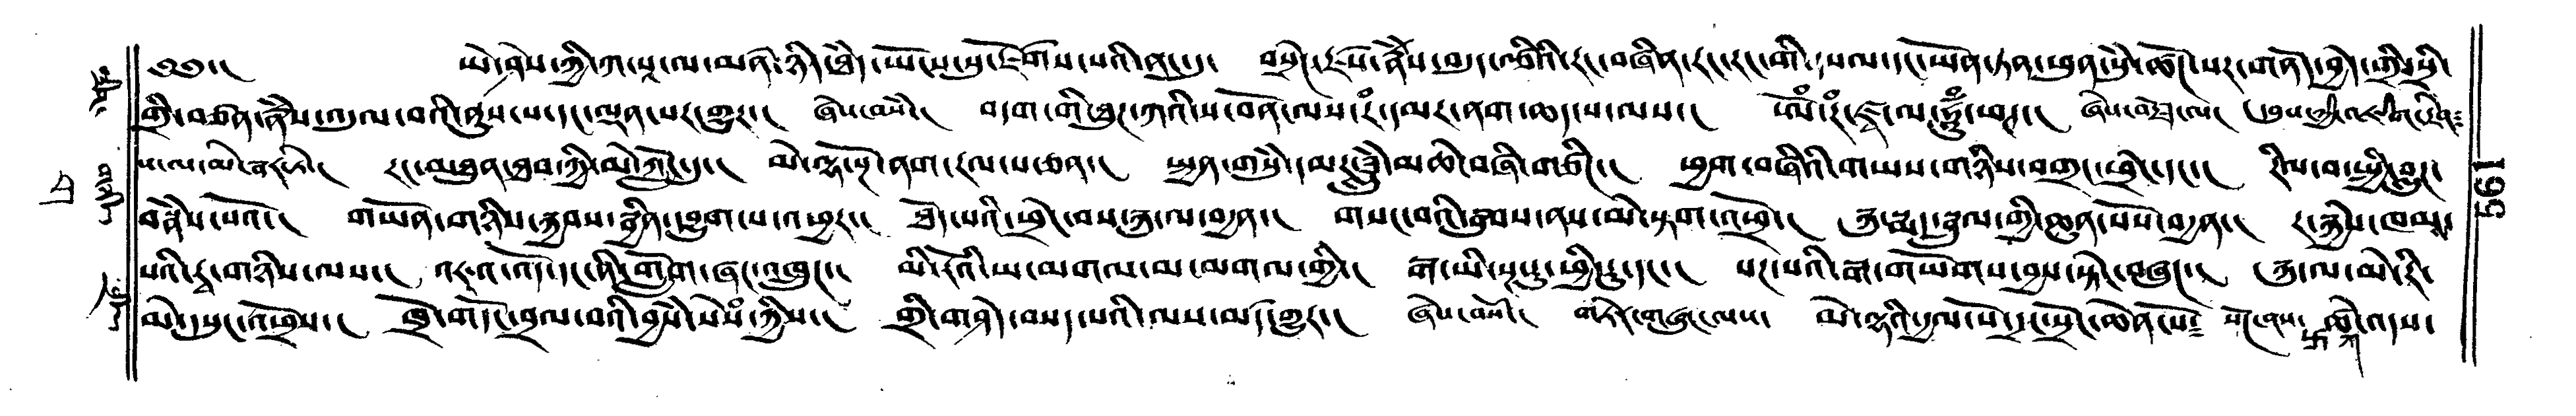ཡེ་ཤེས་ཀྱི་ཀ་པཱ་ལ་མཚན་ཉིད་ཐམས་ཅད་ཡོངས་སུ་རྫོགས་པའི་ནང་དུ་བསྲེག་རྫས་རྣམས་བདུད་རྩིའི་རང་བཞིན་རང་རང་གི་དཔལ་དང་ཡོན་ཏན་ཕུན་གསུམ་ཚོགས་པར་གནོད་བྱེད་གྲི་སྲི་
གྲི་བཙན་རྣམས་འདུལ་བའི་ནུས་པ་དང་ལྡན་པར་གྱུར། ཞེས་བསམ། བདག་གི་ཐུགས་ཀའི་ས་བོན་ལས་རཾ་དམར་ནག་ཆད་པ་ལས། ཨོཾ་རཾ་ཛྭ་ལ་ཧཱུཾ་ཕཊཿ ཞེས་བརྗོད་ལ་དབུས་ཀྱི་འཇིག་རྟེན་
ས་ལ་མེ་འབར་རོ།རང་མཐུན་ཐབ་ཀྱི་མེ་ཀློང་དུ། མེ་ལྷ་སྔོ་ནག་རལ་པ་ཅན། །སྤྱན་གསུམ་དམར་ཟླུམ་མཆེ་བཞི་གཅིང་། །ཕྱག་བཞིའི་གཡས་གཉིས་བགྲང་ཕྲེང་དང་། །རིལ་བ་སྤྱི་བླུགས་
བསྣམས་པའོ། །གཡོན་གཉིས་སྐྱབས་སྦྱིན་དབྱུག་པ་འཕྱར། །ཐོད་པའི་ཕྲེང་བས་སྐུ་ལ་བརྒྱན། །གསང་བའི་སྦུབས་ནས་མེ་སྟག་འཕྲོ། །སྐུ་སྨད་སྦྲུལ་གྱི་ཆུན་པོས་བརྒྱན། །ར་སྐྱེས་ཁམས་
པའི་རྭ་གཉིས་ལས། །འཇའ་འོད་དང་ནི་གློག་ཞགས་འཁྲུགས། །མི་རོའི་ཡ་མགལ་མ་མགལ་གྱི། །སྒ་ཡི་སྔ་རུ་ཕྱི་རུ་དང་། །པགས་པའི་སྒ་གཡོགས་བྱས་སྟེང་བཞུགས། །སྐུ་ལ་མེ་རི་
མེ་དཔུང་འཕྲོ། ཁྲོ་གདོང་བྲལ་བའི་བྱམས་སེམས་ཀྱིས། །གྲི་གཤེད་བསད་པའི་ལས་མཛད་གྱུར། ཞེས་བསམ། གཏེར་གཞུང་ལས ། མེ་ལྷའི་རྒྱལ་པོ་དྲང་སྲོང་ཆེན་པོ༴ སོགས་ནས། ཚེ་འདས་༼